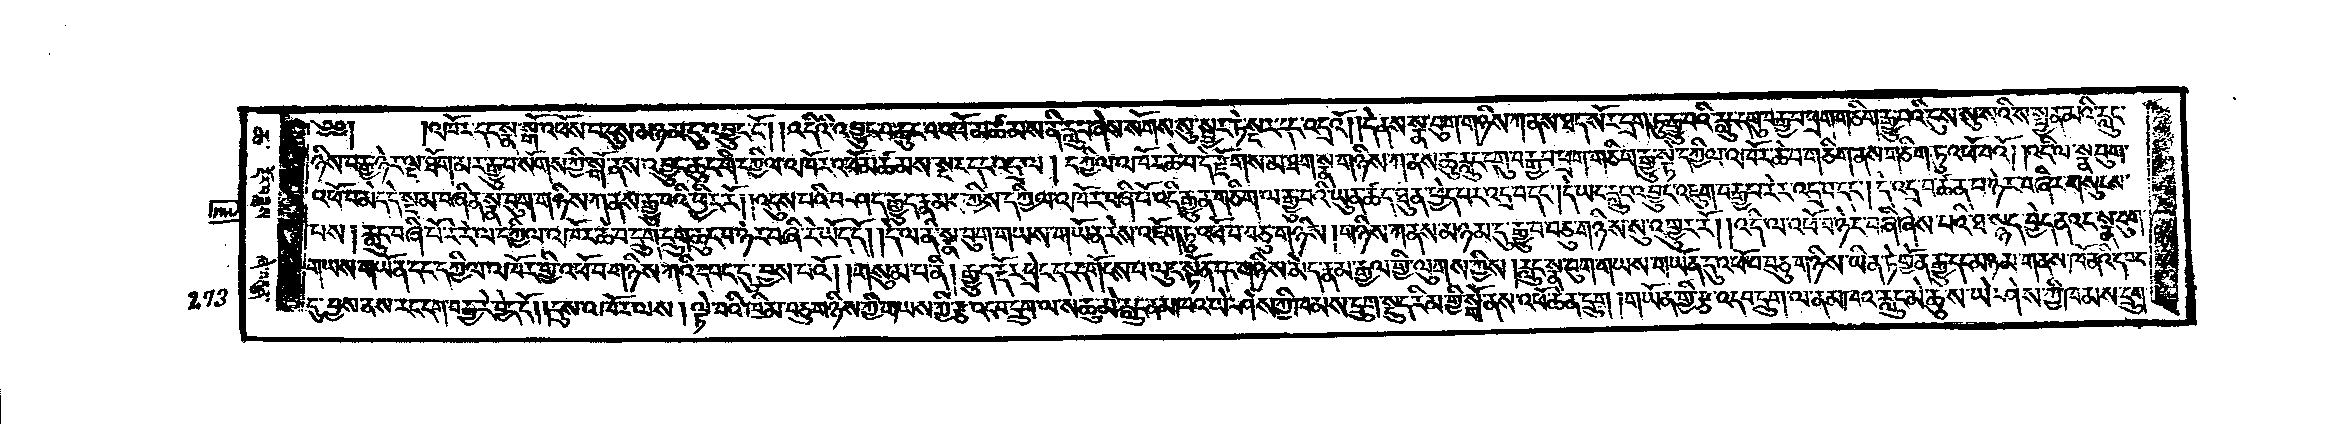༄༅། །འཁོར་དང་སྣ་སྒོ་འཕོས་པ་དུས་མཉམ་དུ་འབྱུང་ངོ། །འདིའི་འབྱུང་བ་ཆུང་བ་འཕོ་མཚམས་ནི་རླུང་ཞེས་སོགས་སུ་སྦྱར་ཏེ་སྔར་དང་འདྲའོ། །དེ་ནས་སྣ་བུག་གཉིས་ཀ་ནས་ཐད་སོར་དྲག་ཏུ་རྒྱུ་བའི་རླུང་དགུ་བརྒྱ་པ་ཕྲག་གཅིག་རྒྱུ་བའི་དུས་སུ་སའི་ས་སྤྱན་མའི་རླུང་
ཉིས་བརྒྱ་ཉེར་ལྔ་ཐོག་མར་རྒྱུ་བ་སོགས་ཀྱི་སྒོ་ནས་འབྱུང་ཆུང་གི་དཀྱིལ་འཁོར་འཕོ་མཚམས་སྔར་དང་འདྲ་ལ། དཀྱིལ་འཁོར་ཆེ་བ་དེ་རྫོགས་མ་ཐག་སྣ་གཉིས་ཀ་ནས་ཆུ་རླུང་དགུ་བརྒྱ་པ་ཕྲག་གཅིག་རྒྱུ་སྟེ་དཀྱིལ་འཁོར་ཆེ་བ་གཅིག་ནས་གཅིག་ཏུ་འཕོ་བའོ། །འདི་ལ་སྣ་བུག་
འཕོ་བ་མེད་དེ་སྔ་མ་བཞིན་སྣ་བུག་གཉིས་ཀ་ནས་རྒྱུ་བའི་ཕྱིར་རོ། །འདུས་པའི་བཤད་རྒྱུད་རྣམས་ཀྱིས་དཀྱིལ་འཁོར་བཞི་པོ་འདི་རྒྱུན་གཅིག་ལ་རྒྱུ་བའི་ཡུན་ཚད་ཐུན་ཕྱེད་པར་འདྲ་བ་དང་། དེ་ཡང་རླུང་འབྱུང་འཇུག་བརྒྱ་པ་རེར་འདྲ་བ་དང་། དེ་འདྲ་བ་ཚན་པ་ཉེར་བཞིར་གསུངས་
པས། རླུང་བཞི་པོ་རེ་རེ་ལ་དཀྱིལ་འཁོར་ཆེ་བ་དྲུག་དྲུག་ཆུང་བ་ཉེར་བཞི་རེ་ཡོད་དོ། །དེ་ལ་ནི་སྣ་བུག་གཡས་གཡོན་རེས་འཇོག་ཏུ་འཕོ་བ་བཅུ་གཉིས། གཉིས་ཀ་ནས་མཉམ་དུ་རྒྱུ་བ་བཅུ་གཉིས་སུ་འགྱུར་རོ། །འདི་ལ་འཕོ་བ་ཉེར་བཞི་ཞེས་པའི་ཐ་སྙད་བྱེད་ནའང་སྣ་བུག་
གཡས་གཡོན་དང་དཀྱིལ་འཁོར་གྱི་འཕོ་བ་གཉིས་ཀའི་དབང་དུ་བྱས་པའོ། །གསུམ་པ་ནི། རྒྱུད་རྡོར་ཕྲེང་དང་དགོངས་པ་ལུང་སྟོན་དང་གཉིས་མེད་རྣམ་རྒྱལ་གྱི་ལུགས་ཀྱིས། རླུང་སྣ་བུག་གཡས་གཡོན་དུ་འཕོ་བ་བཅུ་གཉིས་ཡིན་ཏེ་གྱེན་རྒྱུ་དང་མཉམ་གནས་ཁོ་ནའི་དབང་
དུ་བྱས་ནས་རླུང་དགུ་བརྒྱ་རེ་བྱེད་དོ། །དུས་འཁོར་ལས། ལྟེ་བའི་ཁྱིམ་བཅུ་གཉིས་ཀྱི་གཡས་ཀྱི་རྩ་འདབ་དྲུག་ལ་ས་ཆུ་མེ་རླུང་ནམ་མཁའ་ཡེ་ཤེས་ཀྱི་ཁམས་དྲུག་སྡུད་རིམ་གྱི་སྒོ་ནས་འཕོ་ཆེན་དྲུག །གཡོན་གྱི་རྩ་འདབ་དྲུག་ལ་ནམ་མཁའ་རླུང་མེ་ཆུ་ས་ཡེ་ཤེས་ཀྱི་ཁམས་དྲུག་